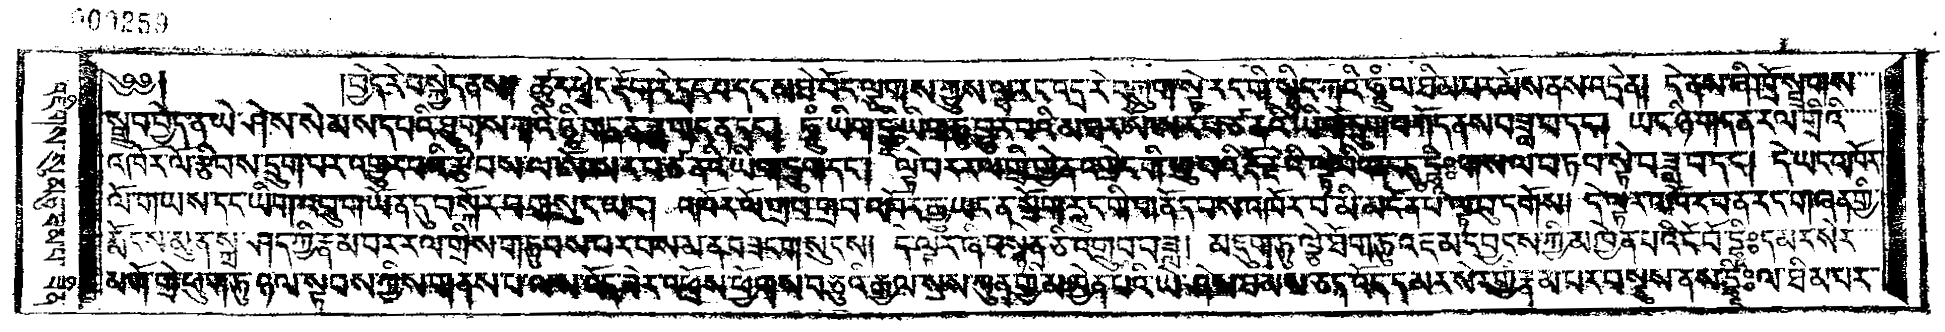༄༅། །བྱེད་རེ་བསྐྱེད་ནས། ཚུར་ཕྲེང་རྡོག་རེ་དྲང་བ་དང་མཐེ་བོང་ལྕགས་ཀྱུས་ལྷ་རང་འདྲ་རེ་བཀུག་སྟེ་རང་གི་སྙིང་ཀའི་ཧཱུཾ་ལ་ཐིམ་པར་མོས་ནས་འདྲེན། དེ་ནས་ཞི་ཁྲོ་སྦྲགས་
སྒྲུབ་བྱེད་ན་ཡེ་ཤེས་སེམས་དཔའི་ཐུགས་ཀའི་ཉི་གདན་ཟླ་གདན་དང་། ཧཱུཾ་ཡིག་དྷཱིཿ ཡིག་ཏུ་གྱུར་པའི་མཐར་ཨོཾ་ཨ་ར་པ་ཙ་ནའི་ཡི་གེ་དྲུག་བཀོད་ནས་བཟླ་བ་དང་། ཡང་ཉི་གདན་རལ་གྲིའི་
འཁོར་ལོ་རྩིབས་དྲུག་པར་འགྱུར་བའི་རྩིབས་ལ་ཨོཾ་ཨ་ར་པ་ཙ་ནའི་ཡིག་དྲུག་དང་། ལྟེ་བར་རལ་གྲི་གྱེན་འགྲེང་གི་ཡུ་བའི་རྡོ་རྗེའི་ལྟེ་བའི་ནང་དུ་དྷཱིཿ གསལ་བཏབ་སྟེ་བཟླ་བ་དང་། དེ་ཡང་འཁོར་
ལོ་གཡས་དང་ཡིག་འབྲུ་གཡོན་དུ་བསྐོར་བ་གསུང་ཡང་། འཁོར་ལོ་གྲབ་གྲབ་འཁོར་རྒྱུ་ཡང་ན་སྲོག་རླུང་གི་གནོད་པས་འཁོར་བ་མི་མངོན་པ་ལྟ་བུ་དགོས། དེ་ལྟར་འཁོར་བ་ན་རང་གཞན་གྱི་
རྨོངས་མུན་སྐྲ་ཤད་ཀྱི་རྣམ་པར་རལ་གྲིས་གཏུབས་པར་བསམ་ན་བཟང་གསུངས། དེ་ལྟར་ཞི་བསྙེན་ཅི་འགྲུབ་བཟླ། མཇུག་ཏུ་ལྕེ་ཐོག་ཏུ་འཇམ་དབྱངས་ཀྱི་མཁྱེན་པའི་ངོ་བོ་དྷཱིཿ དམར་སེར་
མགོ་གྲེ་ཕུག་ཏུ་ཉལ་སྟབས་ཀྱིས་གནས་པ་ལས་འོད་ཟེར་འཕྲོས་ཕྱོགས་བཅུའི་རྒྱལ་སྲས་ཀུན་གྱི་མཁྱེན་པའི་ཡེ་ཤེས་ཐམས་ཅད་འོད་དམར་སེར་གྱི་རྣམ་པར་བསྡུས་ནས་དྷཱིཿ ལ་ཐིམ་པར་